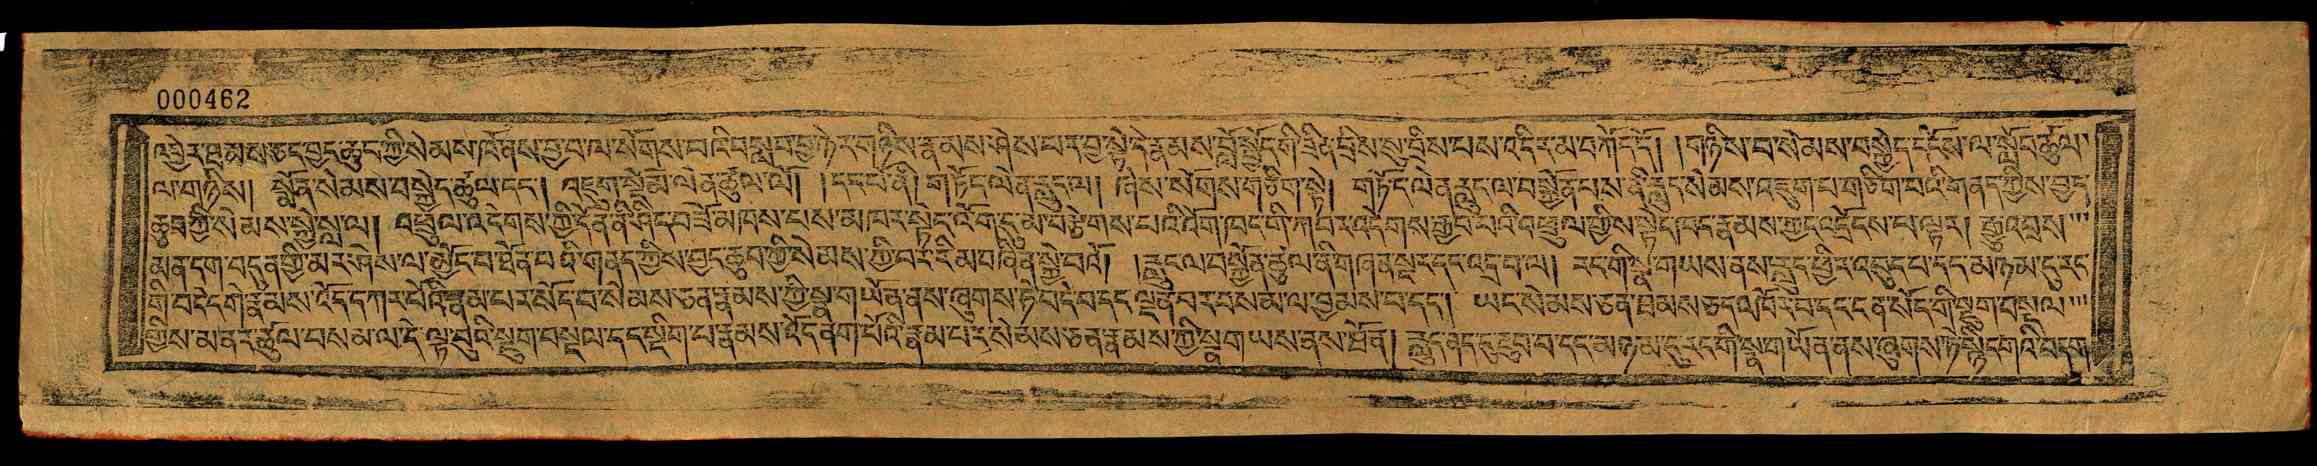འབྱོར་ཐམས་ཅད་བྱང་ཆུབ་ཀྱི་སེམས་ཁོ་ནས་བྱ་བ་ལ་སོགས་པའི་བསླབ་བྱ་ཉེར་གཉིས་རྣམས་ཤེས་པར་བྱ་སྟེ་དེ་རྣམས་བློ་སྦྱོང་གི་ཟིན་བྲིས་སུ་བྲིས་པས་འདིར་མ་བཀོད་དོ། །གཉིས་པ་སེམས་བསྐྱེད་དངོས་ལ་སློབ་ཚུལ་
ལ་གཉིས། སྨོན་སེམས་བསྐྱེད་ཚུལ་དང་། འཇུག་སྡོམ་ལེན་ཚུལ་ལོ། །དང་པོ་ནི། གཏོང་ལེན་རླུང་ལ། ཞེས་སོགས་གཅིག་སྟེ། གཏོང་ལེན་རླུང་ལ་བསྐྱོན་པས་ནི་རླུང་སེམས་འཇུག་པ་གཅིག་པའི་གནད་ཀྱིས་བྱང་
ཆུབ་ཀྱི་སེམས་སྐྱེ་སླ་ལ། འཕྲུལ་འདེགས་ཀྱི་དོན་ནི་ཤིང་བཟོ་མཁས་པས་མཁར་སྟེང་འོག་དུ་མ་བརྩེགས་པའི་འོག་ཁང་གི་ཀ་བར་འདེགས་རྒྱབ་པའི་འཕྲུལ་གྱིས་སྟེང་ཁང་རྣམས་ཀྱང་འདྲོངས་པ་ལྟར། རྒྱུ་འབྲས་
མན་ངག་བདུན་གྱི་མར་ཤེས་ལ་མྱོང་བ་ཐོན་པའི་གནད་ཀྱིས་བྱང་ཆུབ་ཀྱི་སེམས་ཀྱི་བར་རིམ་བཞིན་སྐྱེ་བའོ། རླུང་ལ་བསྐྱོན་ཚུལ་ནི་གཞན་སྔར་དང་འདྲ་བ་ལ། རང་གི་སྣ་གཡས་ནས་རླུང་ཕྱིར་འབུད་པ་དང་མཉམ་དུ་རང་
གི་བདེ་དགེ་རྣམས་འོད་དཀར་པོའི་རྣམ་པར་སོང་བ་སེམས་ཅན་རྣམས་ཀྱི་སྣ་གཡོན་ནས་ཞུགས་ཏེ་བདེ་བ་དང་ལྡན་པར་བསམ་ལ་བྱམས་པ་དང་། ཡང་སེམས་ཅན་ཐམས་ཅད་འཁོར་བ་དང་ངན་སོང་གི་སྡུག་བསྔལ་
གྱིས་མནར་ཚུལ་བསམ་ལ་དེ་ལྟ་བུའི་སྡུག་བསྔལ་དང་སྡིག་པ་རྣམས་འོད་ནག་པོའི་རྣམ་པར་སེམས་ཅན་རྣམས་ཀྱི་སྣ་གཡས་ནས་ཐོན། རླུང་ནང་དུ་རྔུབ་པ་དང་མཉམ་དུ་རང་གི་སྣ་གཡོན་ནས་ཞུགས་ཏེ་སྙིང་གའི་བདག་